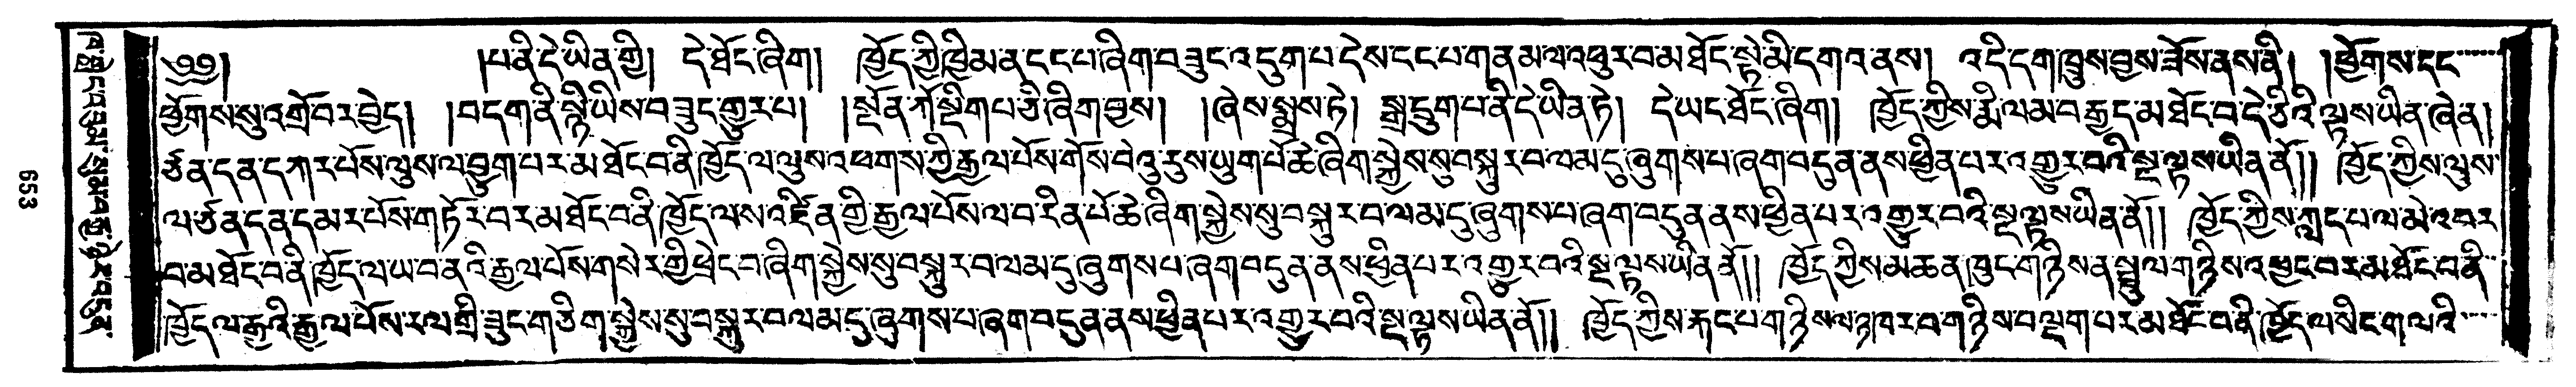༄༅། །པ་ནི་དེ་ཡིན་གྱི། དེ་ཐོང་ཞིག། ཁྱོད་ཀྱི་ཁྱིམ་ན་ངང་པ་ཞིག་བཟུང་འདུག་པ་དེས་ངང་པ་གནམ་ལ་འཕུར་བ་མཐོང་སྟེ་མི་དགའ་ནས། འདི་དག་ཁྲུས་བྱས་ཟོས་ནས་ནི། །ཕྱོགས་དང་
ཕྱོགས་སུ་འགྲོ་བར་བྱེད། །བདག་ནི་སྙི་ཡིས་བཟུང་གྱུར་པ། །སྔོན་ཀོ་སྡིག་པ་ཅི་ཞིག་བྱས། །ཞེས་སྨྲས་ཏེ། སྒྲ་དྲུག་པ་ནི་དེ་ཡིན་ཏེ། དེ་ཡང་ཐོང་ཞིག། ཁྱོད་ཀྱིས་རྨི་ལམ་བརྒྱད་མཐོང་བ་དེ་ཅིའི་ལྟས་ཡིན་ཞེ་ན།
ཙན་དན་དཀར་པོས་ལུས་ལ་བྱུག་པར་མཐོང་བ་ནི་ཁྱོད་ལ་ལུས་འཕགས་ཀྱི་རྒྱལ་པོས་གོས་བེའུ་རུས་ཡུག་པོ་ཆེ་ཞིག་སྐྱེས་སུ་བསྐུར་བ་ལམ་དུ་ཞུགས་པ་ཞག་བདུན་ནས་ཕྱིན་པར་འགྱུར་བའི་སྔ་ལྟས་ཡིན་ནོ།། ཁྱོད་ཀྱིས་ལུས་
ལ་ཙན་དན་དམར་པོས་གཏོར་བར་མཐོང་བ་ནི་ཁྱོད་ལས་འཛིན་གྱི་རྒྱལ་པོས་ལ་བ་རིན་པོ་ཆེ་ཞིག་སྐྱེས་སུ་བསྐུར་བ་ལམ་དུ་ཞུགས་པ་ཞག་བདུན་ནས་ཕྱིན་པར་འགྱུར་བའི་སྔ་ལྟས་ཡིན་ནོ།། ཁྱོད་ཀྱིས་ཀླད་པ་ལ་མེ་འབར་
བ་མཐོང་བ་ནི་ཁྱོད་ལ་ཡ་བ་ནའི་རྒྱལ་པོས་གསེར་གྱི་ཕྲེང་བ་ཞིག་སྐྱེས་སུ་བསྐུར་བ་ལམ་དུ་ཞུགས་པ་ཞག་བདུན་ནས་ཕྱིན་པར་འགྱུར་བའི་སྔ་ལྟས་ཡིན་ནོ།། ཁྱོད་ཀྱིས་མཆན་ཁུང་གཉིས་ན་སྦྲུལ་གཉིས་འཕྱང་བར་མཐོང་བ་ནི་
ཁྱོད་ལ་རྒྱའི་རྒྱལ་པོས་རལ་གྲི་ཟུང་གཅིག་སྐྱེས་སུ་བསྐུར་བ་ལམ་དུ་ཞུགས་པ་ཞག་བདུན་ནས་ཕྱིན་པར་འགྱུར་བའི་སྔ་ལྟས་ཡིན་ནོ།། ཁྱོད་ཀྱིས་རྐང་པ་གཉིས་ལ་ཉ་ཁར་བ་གཉིས་བླྔག་པར་མཐོང་བ་ནི་ཁྱོད་ལ་སིང་ག་ལའི་